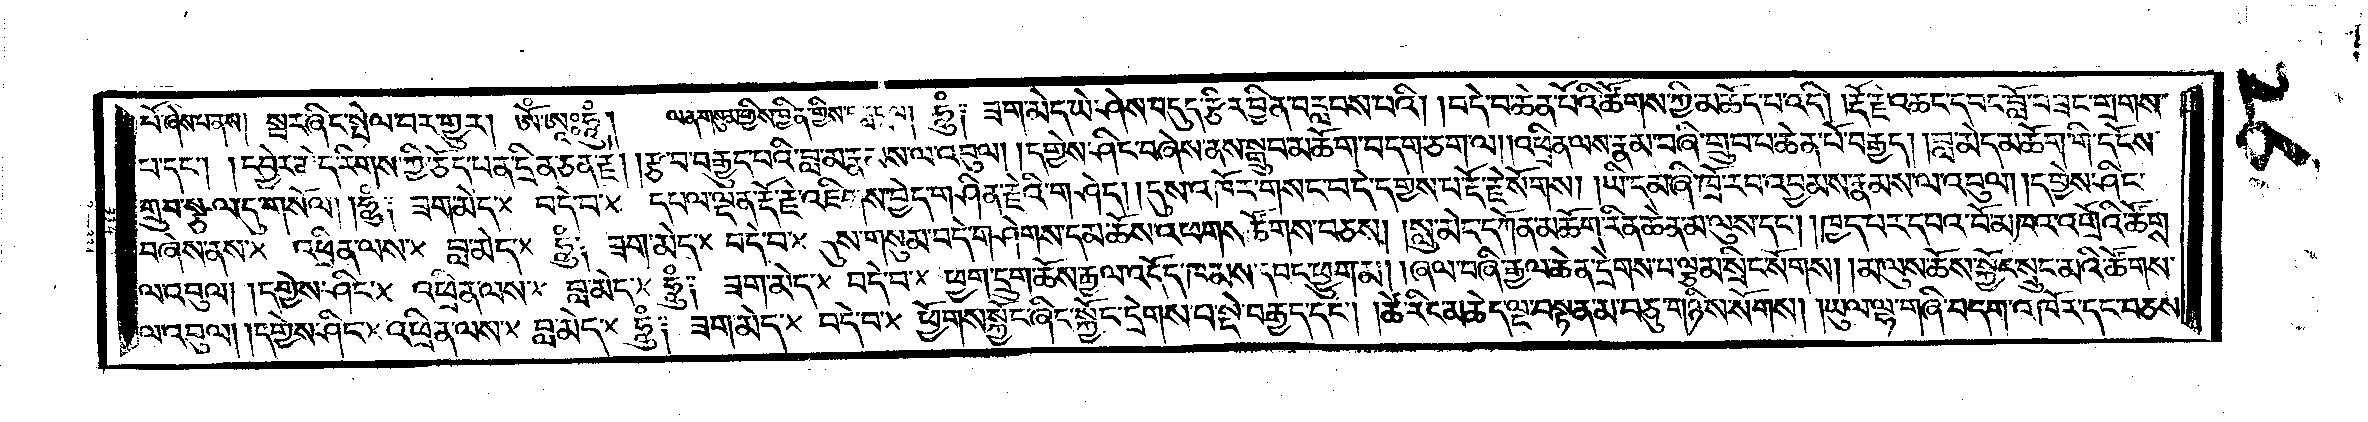པོ་ཞེས་པ་ནས། སྦར་ཞིང་སྤེལ་བར་གྱུར། ཨོཾ་ཨཱཿཧཱུཾ། ལན་གསུམ་གྱིས་བྱིན་གྱིས་བརླང་ལ།  ཧཱུཾ༑ ཟག་མེད་ཡེ་ཤེས་བདུད་རྩིར་བྱིན་བརླབས་པའི། །བདེ་བ་ཆེན་པོའི་ཚོགས་ཀྱི་མཆོད་པ་འདི། །རྡོ་རྗེ་འཆང་དབང་བློ་བཟང་གྲགས་
པ་དང་། །དབྱེར་མེད་རིགས་ཀྱི་ཅོད་པན་དྲིན་ཅན་རྗེ། །རྩ་བ་བརྒྱུད་པའི་བླ་མ་རྣམས་ལ་འབུལ། །དགྱེས་ཤིང་བཞེས་ནས་སྒྲུབ་མཆོག་བདག་ཅག་ལ། །འཕྲིན་ལས་རྣམ་བཞི་གྲུབ་པ་ཆེན་པོ་བརྒྱད། །བླ་མེད་མཆོག་གི་དངོས་
གྲུབ་སྩལ་དུ་གསོལ། །ཧཱུཾ༑ ཟག་མེད྾་བདེ་བ྾་དཔལ་ལྡན་རྡོ་རྗེ་འཇིགས་བྱེད་གཤིན་རྗེའི་གཤེད། །དུས་འཁོར་གསང་བདེ་དགྱས་པ་རྡོ་རྗེ་སོགས། །ཡི་དམ་ཞི་ཁྲོ་རབ་འབྱམས་རྣམས་ལ་འབུལ། །དགྱེས་ཤིང་
བཞེས་ནས྾་འཕྲིན་ལས྾་བླ་མེད྾་ཧཱུཾ༑ ཟག་མེད྾་བདེ་བ྾་དུས་གསུམ་བདེ་གཤེགས་དམ་ཆོས་འཕགས་ཚོགས་བཅས། །སླུ་མེད་དཀོན་མཆོག་རིན་ཆེན་མ་ལུས་དང་། །ཁྱད་པར་དཔའ་བོ་མཁའ་འགྲོའི་ཚོགས་
ལ་འབུལ། །དགྱེས་ཤིང྾་འཕྲིན་ལས྾་བླ་མེད྾་ཧཱུཾ༑ ཟག་མེད྾་བདེ་བ྾་ཕྱག་དྲུག་ཆོས་རྒྱལ་འདོད་ཁམས་དབང་ཕྱུག་མ། །ཞལ་བཞི་རྒྱལ་ཆེན་དྲེགས་པ་ལྕམ་སྲིང་སོགས། །མ་ལུས་ཆོས་སྐྱོང་སྲུང་མའི་ཚོགས་
ལ་འབུལ། །དགྱེས་ཤིང྾་འཕྲིན་ལས྾་བླ་མེད྾་ཧཱུཾ༑ ཟག་མེད྾་བདེ་བ྾་ཕྱོགས་སྐྱོང་ཞིང་སྐྱོང་དྲེགས་པ་སྡེ་བརྒྱད་དང་། །ཚེ་རིང་མཆེད་ལྔ་བསྟན་མ་བཅུ་གཉིས་སོགས། །ཡུལ་ལྷ་གཞི་བདག་འཁོར་དང་བཅས་